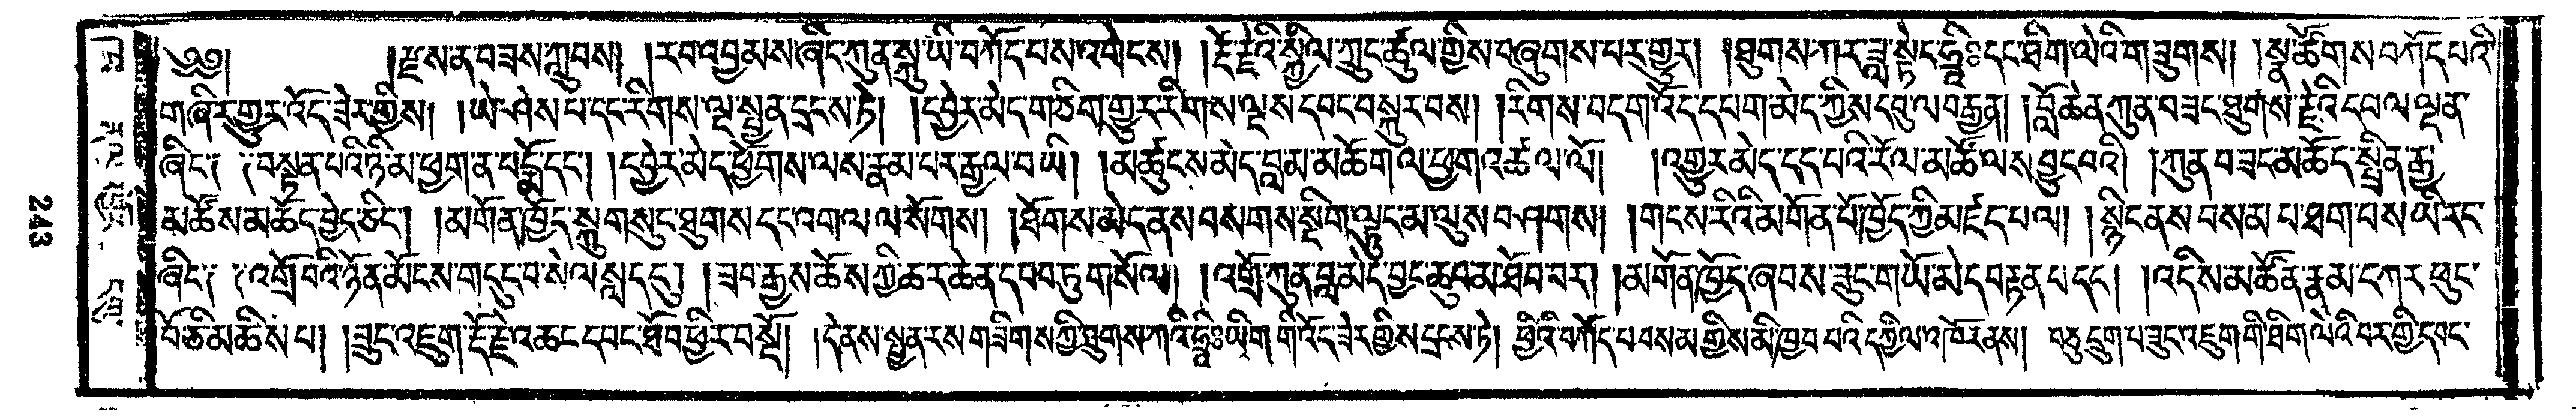༄༅། །རྫས་ན་བཟས་ཀླུབས། །རབ་འབྱམས་ཞིང་ཀུན་སྐུ་ཡི་བཀོད་པས་འགེངས། །རྡོ་རྗེའི་སྐྱིལ་ཀྲུང་ཚུལ་གྱིས་བཞུགས་པར་གྱུར། །ཐུགས་ཀར་ཟླ་སྟེང་ཧྲཱིཿ དང་ཐིག་ལེའི་གཟུགས། །སྣ་ཚོགས་བཀོད་པའི་
གཞིར་གྱུར་འོད་ཟེར་གྱིས། །ཡེ་ཤེས་པ་དང་རིགས་ལྔ་སྤྱན་དྲངས་ཏེ། །དབྱེར་མེད་གཅིག་གྱུར་རིགས་ལྔས་དབང་བསྐུར་བས། །རིགས་བདག་འོད་དཔག་མེད་ཀྱིས་དབུ་ལ་བརྒྱན། །བློ་ཆེན་ཀུན་བཟང་ཐུགས་རྗེའི་དཔལ་ལྡན་
ཞིང༑ ༑བསྟན་པའི་ཉི་མ་ཕྱག་ན་པདམོ་དང་། །དབྱེར་མེད་ཕྱོགས་ལས་རྣམ་པར་རྒྱལ་བ་ཡི། །མཚུངས་མེད་བླ་མ་མཆོག་ལ་ཕྱག་འཚལ་ལོ། །འགྱུར་མེད་དད་པའི་རོལ་མཚོ་ལས་བྱུང་བའི། །ཀུན་བཟང་མཆོད་སྤྲིན་རྒྱ་
མཚོས་མཆོད་བྱེད་ཅིང་། །མགོན་ཁྱོད་སྐུ་གསུང་ཐུགས་དང་འགལ་ལ་སོགས། །ཐོགས་མེད་ནས་བསགས་སྡིག་ལྟུང་མ་ལུས་བཤགས། །གངས་རིའི་མགོན་པོ་ཁྱོད་ཀྱི་མཛད་པ་ལ། །སྙིང་ནས་བསམ་པ་ཐག་པས་ཡི་རང་
ཞིང༑ ༑འགྲོ་བའི་ཉོན་མོངས་གདུང་བ་སེལ་སླད་དུ། །ཟབ་རྒྱས་ཆོས་ཀྱི་ཆར་ཆེན་དབབ་ཏུ་གསོལ། །འགྲོ་ཀུན་བླ་མེད་བྱང་ཆུབ་མ་ཐོབ་བར། །མགོན་ཁྱོད་ཞབས་ཟུང་གཡོ་མེད་བརྟན་པ་དང་། །འདིས་མཚོན་རྣམ་དཀར་ཕུང་
བོ་ཅི་མཆིས་པ། །ཟུང་འཇུག་རྡོ་རྗེ་འཆང་དབང་ཐོབ་ཕྱིར་བསྔོ། །དེ་ནས་སྤྱན་རས་གཟིགས་ཀྱི་ཐུགས་ཀའི་ཧྲཱིཿ ཡིག་གི་འོད་ཟེར་གྱིས་དྲངས་ཏེ། ཕྱིའི་བཀོད་པ་བསམ་གྱིས་མི་ཁྱབ་པའི་དཀྱིལ་འཁོར་ནས། བཅུ་དྲུག་པ་ཟུང་འཇུག་གི་ཐིག་ལེའི་བར་གྱི་དབང་